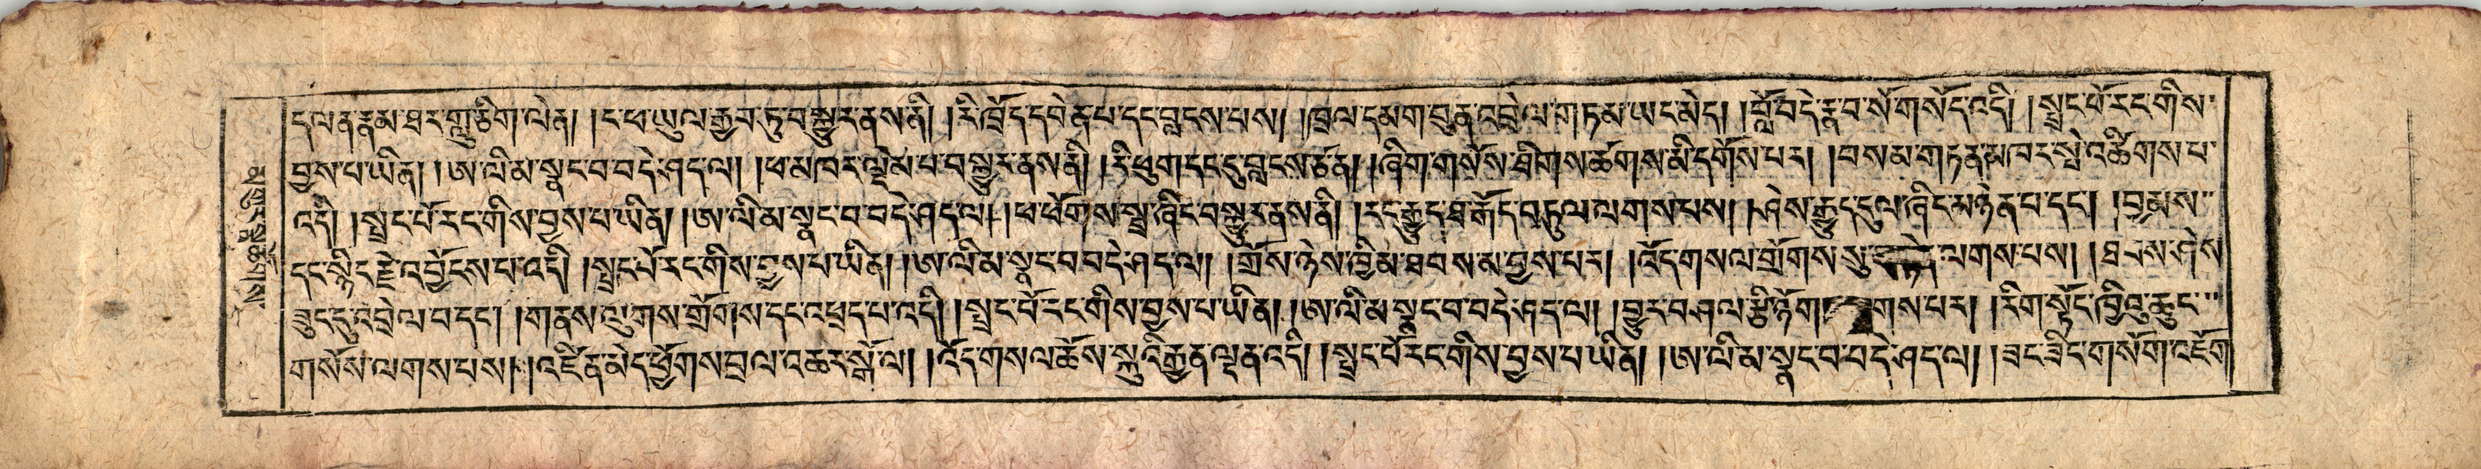ད་ལན་རྣམ་ཐར་གླུ་ཅིག་ལེན། །ང་ཕ་ཡུལ་རྒྱབ་ཏུ་བསྐྱུར་ནས་ནི། །རི་ཁྲོད་དབེན་པ་དང་བླངས་པས། །ཁྲལ་དམག་བུན་འབྲེལ་གཏམ་ཡང་མེད། །བློ་བདེ་རྣ་བ་སོ་གསོད་འདི། །སྤྲང་པོ་རང་གིས་
བྱས་པ་ཡིན། །ཨ་ལི་མ་སྣང་བ་བདེ་ཤད་ལ། །ཕ་མཁར་ལྡེམ་པ་བསྐྱུར་ནས་ནི། །རི་ཕུག་དང་དུ་བླངས་ཙ་ན། །ཞིག་གསོས་ཐིགས་ཚགས་མི་དགོས་པར། །བསམ་གཏན་མཁར་སྤེ་འཚིགས་པ་
འདི། །སྤྲང་པོ་རང་གིས་བྱས་པ་ཡིན། །ཨ་ལི་མ་སྣང་བ་བདེ་ཤད་ལ། །ཕ་ཕོགས་སྦྲ་ཞིང་བསྐྱུར་ནས་ནི། །རང་རྒྱུད་ཐ་རྒོད་བཏུལ་ལགས་པས། །ཤེས་རྒྱུད་དུལ་ཞིང་མཉེན་པ་དང་། །བྱམས་
དང་སྙིང་རྗེ་འབྱོངས་པ་འདི། །སྤྲང་པོ་རང་གིས་བྱས་པ་ཡིན། །ཨ་ལི་མ་སྣང་བ་བདེ་ཤད་ལ། །གྲོས་ཉེས་ཁྱིམ་ཐབས་མ་བྱས་པར། །འོད་གསལ་གྲོགས་སུ་བསྟེན་ལགས་པས། །ཐབས་ཤེས་
ཟུང་དུ་འབྲེལ་བ་དང་། །གནས་ལུགས་གྲོགས་དང་འཕྲད་པ་འདི། །སྤྲང་པོ་རང་གིས་བྱས་པ་ཡིན། །ཨ་ལི་མ་སྣང་བ་བདེ་ཤད་ལ། །བྱུར་བཤལ་རྩི་ཉོག་༼༽པར། །རིག་སྟོང་ཁྱེའུ་ཆུང་
གསོས་ལགས་པས། །འཛིན་མེད་ཕྱོགས་བྲལ་འཆར་སྒོ་ལ། །འོད་གསལ་ཆོས་སྐུའི་རྒྱན་ལྡན་འདི། །སྤྲང་པོ་རང་གིས་བྱས་པ་ཡིན། །ཨ་ལི་མ་སྣང་བ་བདེ་ཤད་ལ། །ཟང་ཟིང་གསོག་འཇོག་